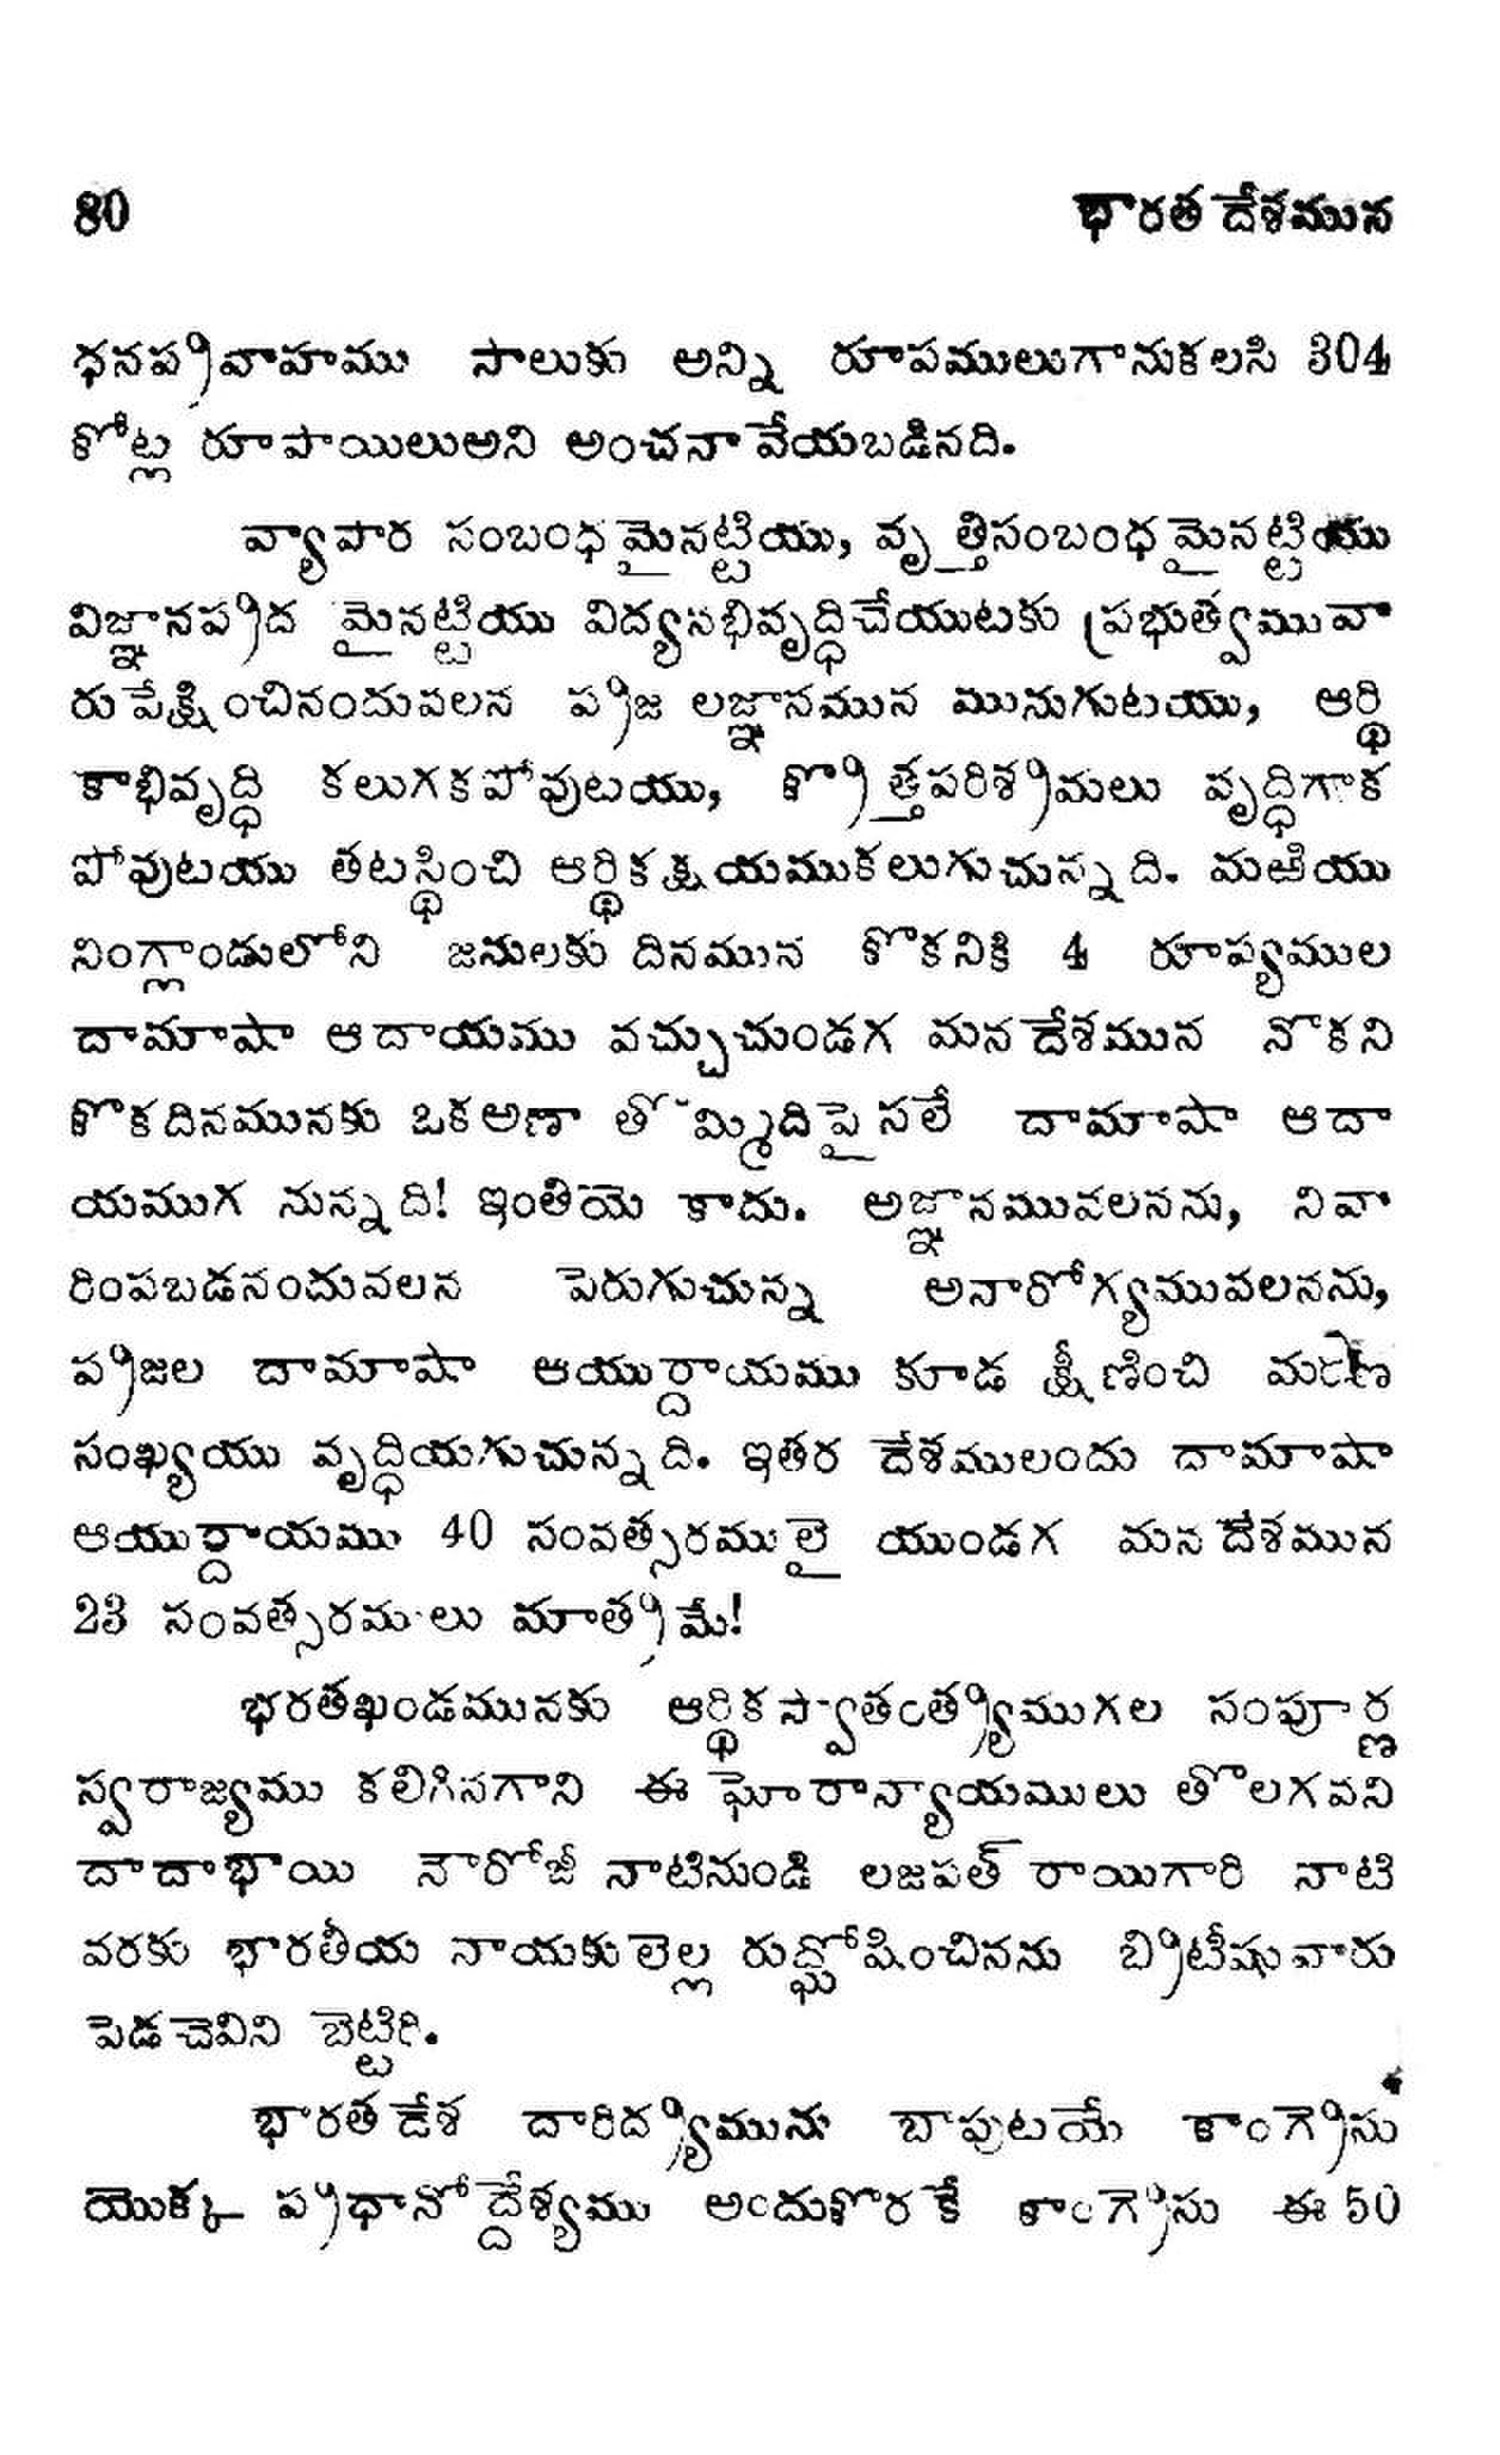ధనప్రవాహము సాలుకు అన్ని రూపములుగానుకలసి 304 కోట్ల రూపాయిలుఅని అంచనా వేయబడినది.

వ్యాపార సంబంధమైనట్టియు, వృత్తిసంబంధమైనట్టియు విజ్ఞానప్రద మైనట్టియు విద్యనభివృద్ధిచేయుటకు ప్రభుత్వమువా రుపేక్షించినందువలన ప్రజ లజ్ఞానమున మునుగుటయు, ఆర్థికాభివృద్ధి కలుగకపోవుటయు, క్రొత్తపరిశ్రమలు వృద్దిగాక పోవుటయు తటస్థించి ఆర్థికక్షయముకలుగుచున్నది. మఱియు నింగ్లాండులోని జనులకు దినమున కొకనికి 4 రూప్యముల దామాషా ఆదాయము వచ్చుచుండగ మనదేశమున నొకని కొకదినమునకు ఒక అణా తొమ్మిదిపైసలే దామాషా ఆదాయముగ నున్నది! ఇంతియె కాదు. అజ్ఞానమువలనను, నివారింపబడనందువలన పెరుగుచున్న అనారోగ్యమువలనను, ప్రజల దామాషా ఆయుర్దాయము కూడ క్షీణించి మరణ సంఖ్యయు వృద్ధియగుచున్నది. ఇతర దేశములందు దామాషా ఆయుర్దాయము 40 సంవత్సరములై యుండగ మనదేశమున 23 సంవత్సరములు మాత్రమే! 

భరతఖండమునకు ఆర్థికస్వాతంత్ర్యముగల సంపూర్ణ స్వరాజ్యము కలిగినగాని ఈ ఘోరాన్యాయములు తొలగవని దాదాభాయి నౌరోజీ నాటినుండి లజపత్ రాయిగారి నాటివరకు భారతీయ నాయకులెల్ల రుద్ఘోషించినను బ్రిటీషువారు పెడచెవిని బెట్టిరి.

భారతదేశ దారిద్ర్యమును బాఫుటయే కాంగ్రెసుయొక్క ప్రధానోద్దేశ్యము అందుకొరకే కాంగ్రెసు ఈ 50